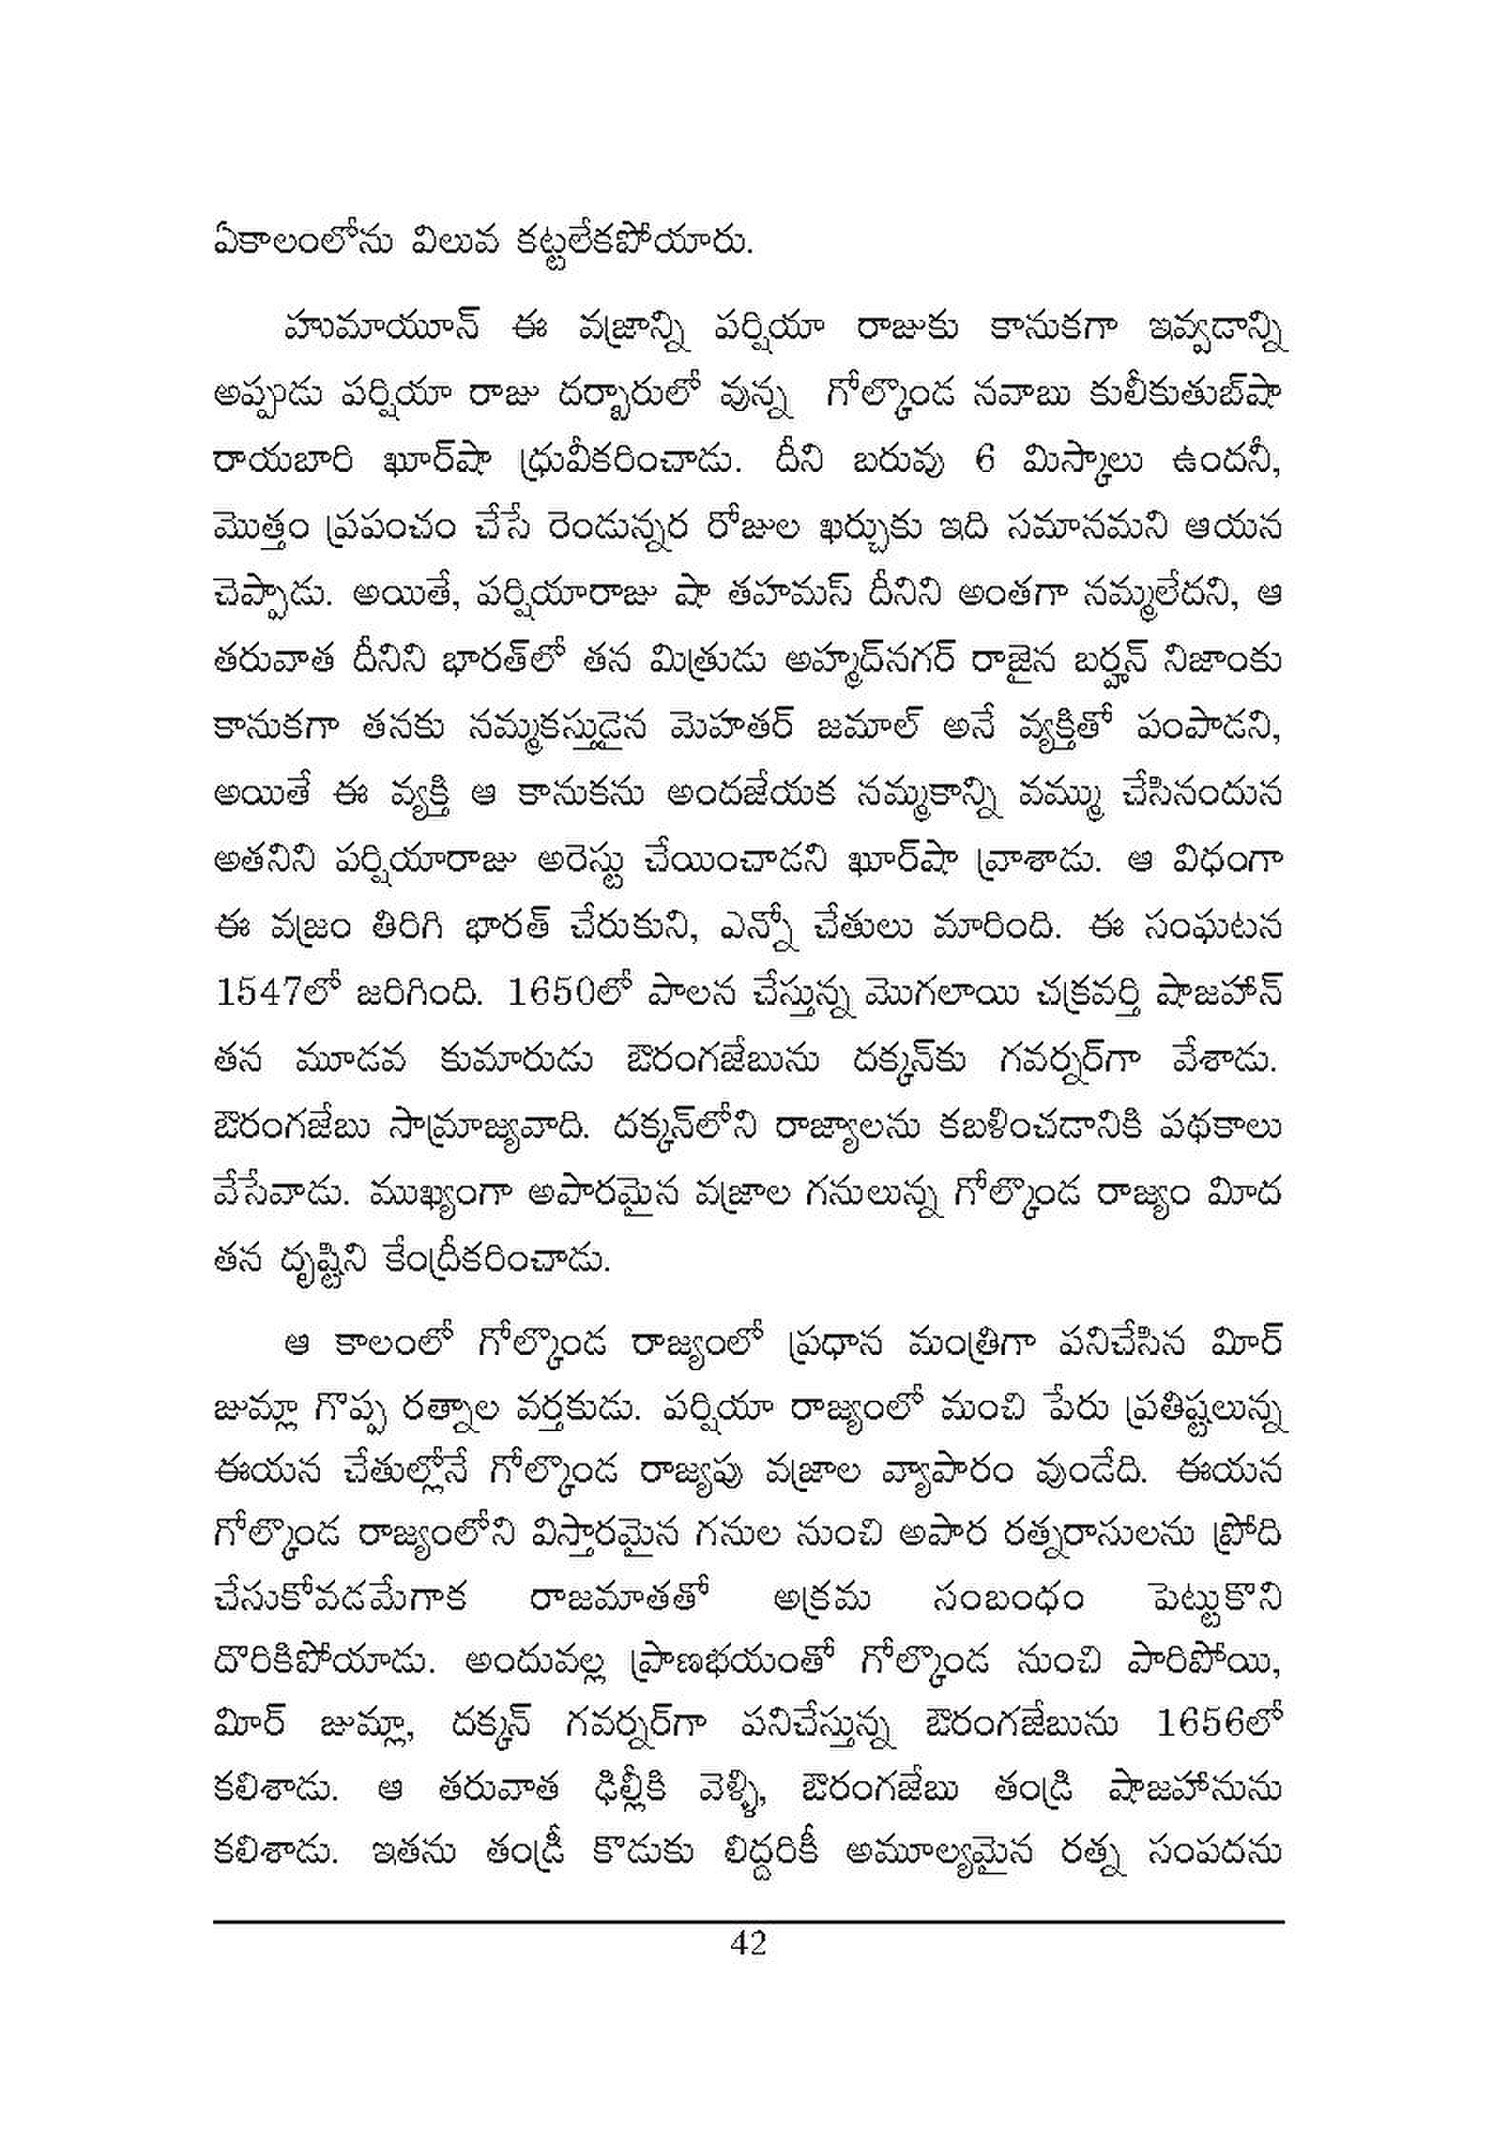ఏకాలంలోను విలువ కట్టలేకపోయారు.

హుమాయూన్ ఈ వజ్రాన్ని పర్షియా రాజుకు కానుకగా ఇవ్వడాన్ని అప్పడు పర్షియా రాజు దర్బారులో వున్న గోల్కొండ నవాబు కులీకుతుబ్షా రాయబారి ఖూర్షా ధ్రువీకరించాడు. దీని బరువు 6 మిస్మాలు ఉందనీ, మొత్తం ప్రపంచం చేసే రెండున్నర రోజుల ఖర్చుకు ఇది సమానమని ఆయన చెప్పాడు. అయితే, పర్షియారాజు షా తహమస్ దీనిని అంతగా నమ్మలేదని, తరువాత దీనిని భారత్లో తన మిత్రుడు అహ్మద్నగర్ రాజైన బర్హన్ నిజాంకు కానుకగా తనకు నమ్మకస్తుడైన మెహతర్ జమాల్ అనే వ్యక్తితో పంపాడని, అయితే ఈ వ్యక్తి ఆ కానుకను అందజేయక నమ్మకాన్ని వమ్ము చేసినందున అతనిని పర్షియారాజు అరెస్టు చేయించాడని ఖూర్షా వ్రాశాడు. ఆ విధంగా ఈ వజ్రం తిరిగి భారత్ చేరుకుని, ఎన్నో చేతులు మారింది. ఈ సంఘటన 1547లో జరిగింది. 1650లో పాలన చేస్తున్న మొగలాయి చక్రవర్తి షాజహాన్ తన మూడవ కుమారుడు ఔరంగజేబును దక్కన్కు గవర్నర్గా వేశాడు. ఔరంగజేబు సామ్రాజ్యవాది. దక్కన్లోని రాజ్యాలను కబళించడానికి పథకాలు వేసేవాడు. ముఖ్యంగా అపారమైన వజ్రాల గనులున్న గోల్కొండ రాజ్యం విూద తన దృష్టిని కేంద్రీకరించాడు.

ఆ కాలంలో గోల్కొండ రాజ్యంలో ప్రధాన మంత్రిగా పనిచేసిన విూర్ జుమ్లా గొప్ప రత్నాల వర్తకుడు. పర్షియా రాజ్యంలో మంచి పేరు ప్రతిష్టలున్న ఈయన చేతుల్లోనే గోల్కొండ రాజ్యపు వజ్రాల వ్యాపారం వుండేది. ఈయన గోల్కొండ రాజ్యంలోని విస్తారమైన గనుల నుంచి అపార రత్నరాసులను ప్రోది చేసుకోవడమేగాక రాజమాతతో అక్రమ సంబంధం పెట్టుకొని దొరికిపోయాడు. అందువల్ల ప్రాణభయంతో గోల్కొండ నుంచి పారిపోయి, మీర్ జుమ్లా దక్కన్ గవర్నర్గా పనిచేస్తున్న ఔరంగజేబును 1656లో కలిశాడు. ఆ తరువాత ఢిల్లీకి వెళ్ళి ఔరంగజేబు తండ్రి షాజహానును కలిశాడు. ఇతను తండ్రీ కొడుకు లిద్దరికీ అమూల్యమైన రత్న సంపదను